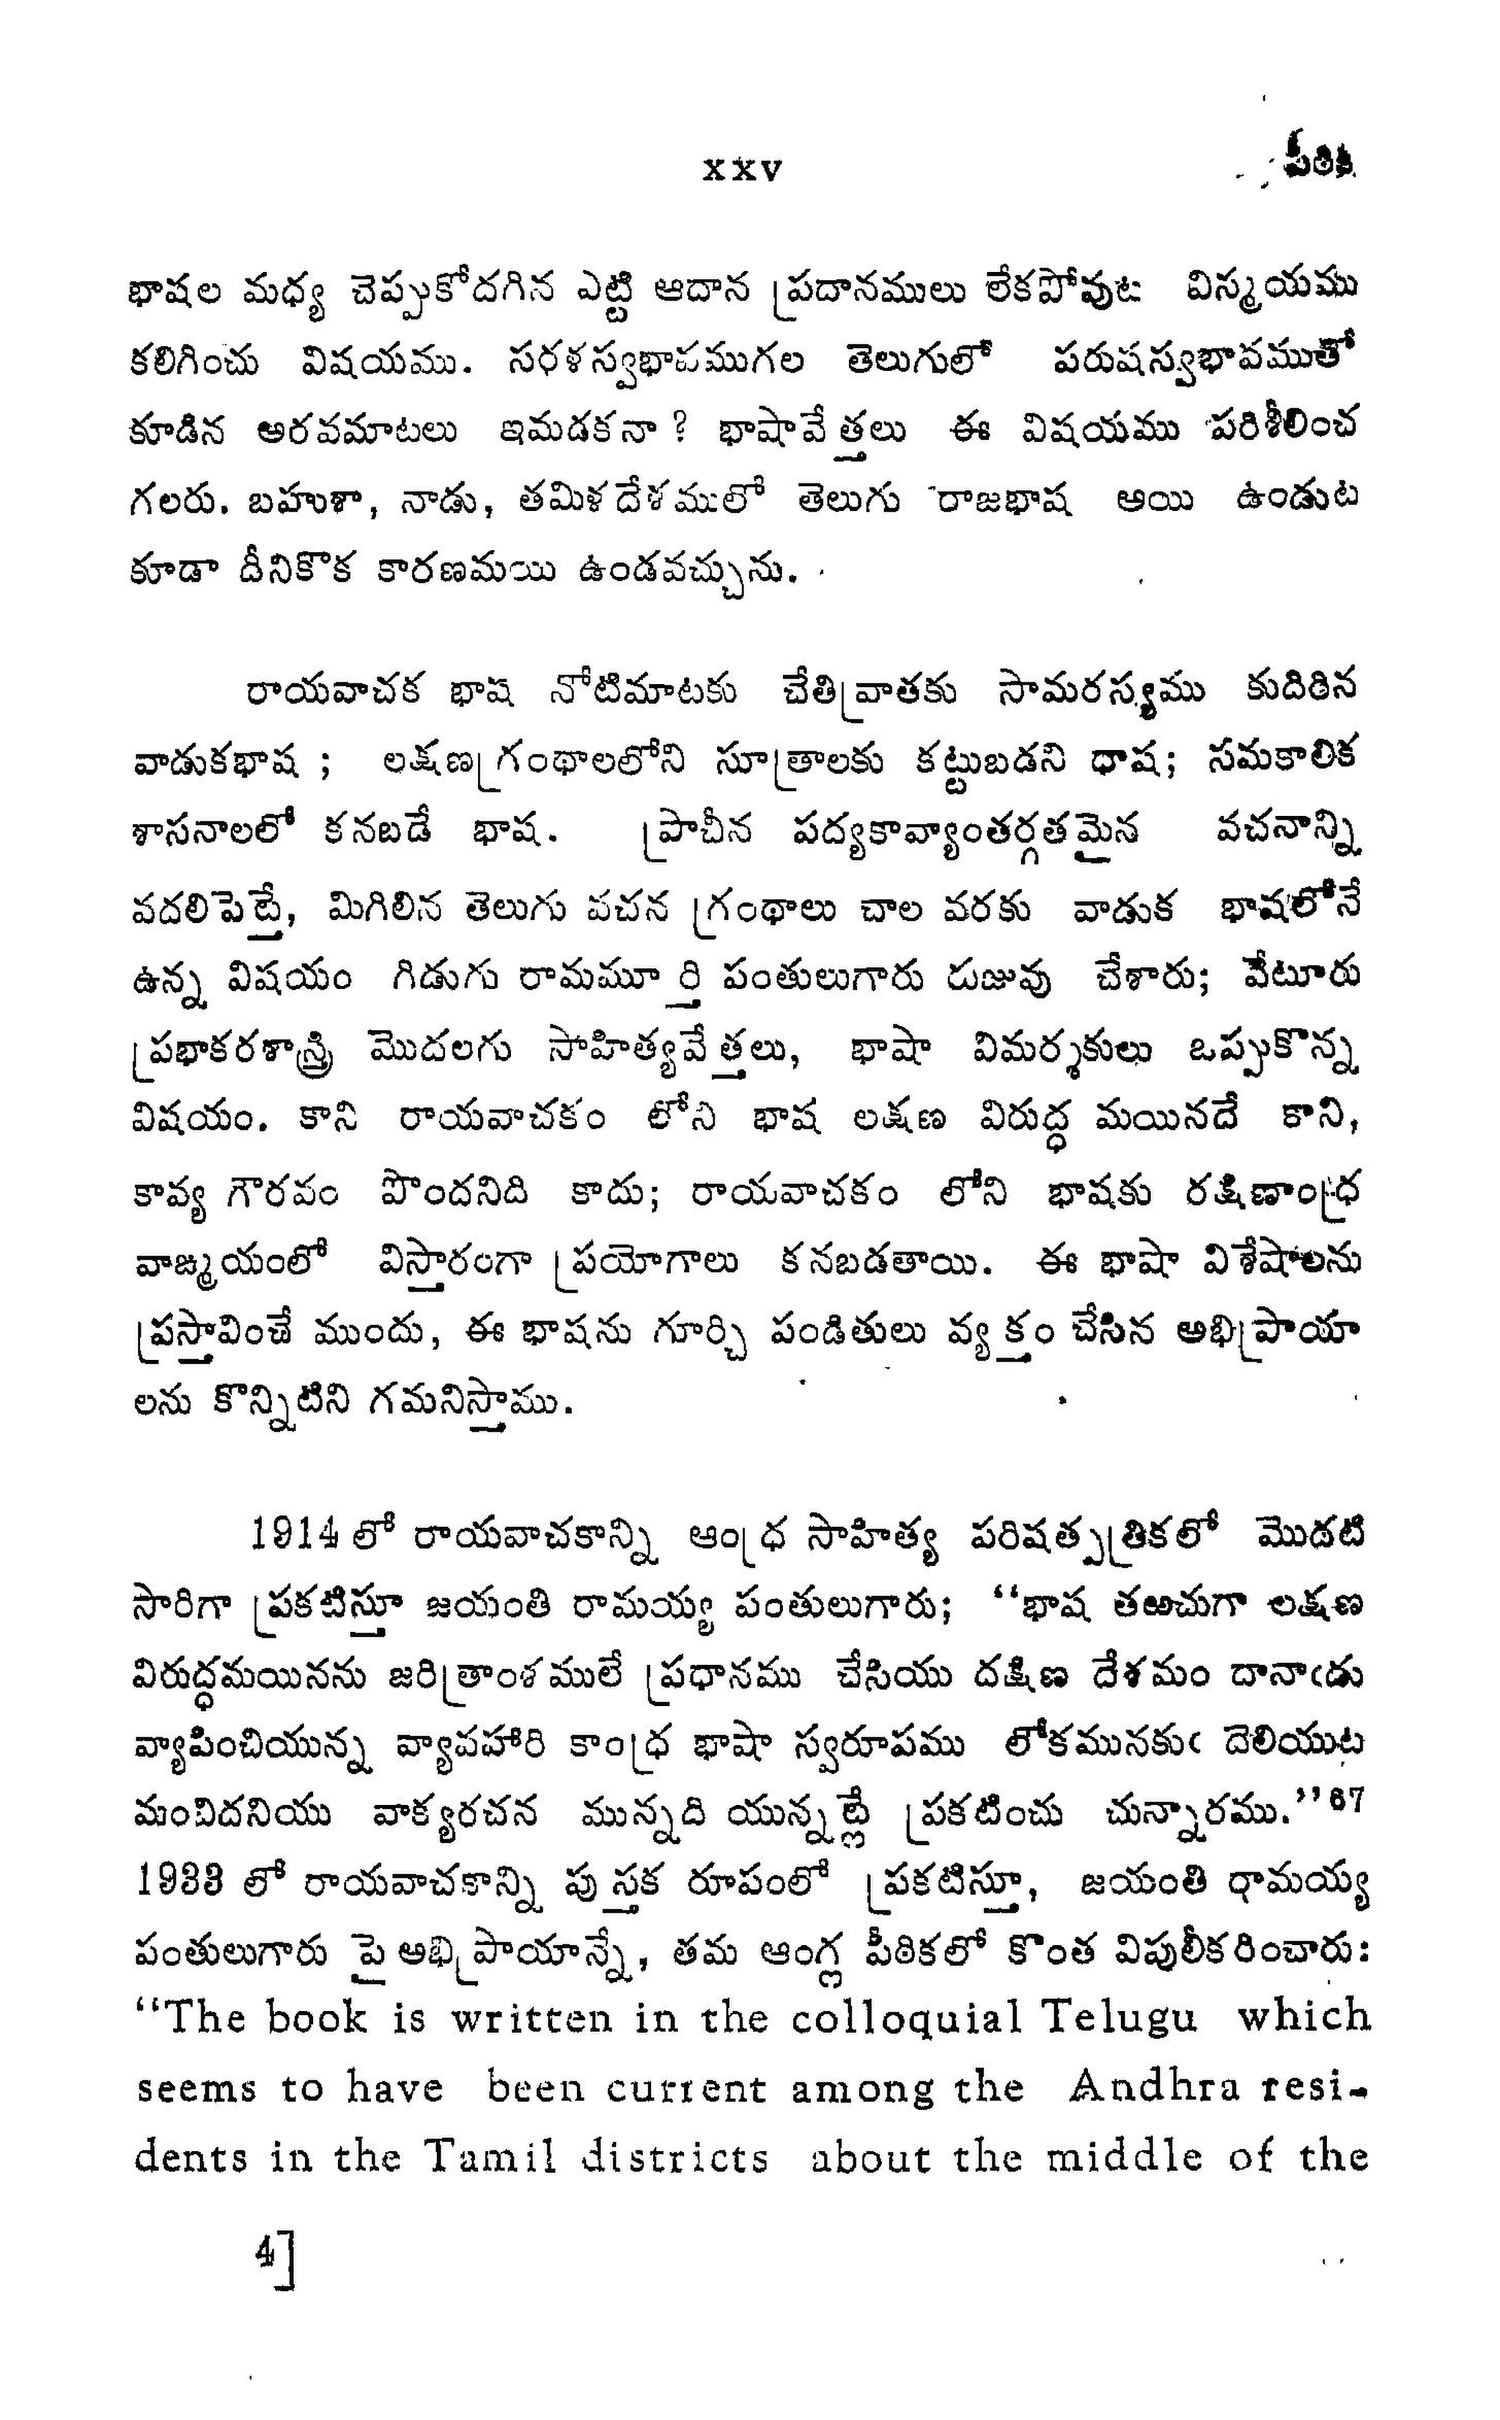భాషల మధ్య చెప్పుకోదగిన ఎట్టి ఆదానప్రదానములు లేకపోవుట విస్మయము కలిగించు విషయము. సరళస్వభావముగల తెలుగులో పరుషస్వభావముతో కూడిన అరవమాటలు ఇమడకనా? భాషావేత్తలు ఈ విషయము పరిశీలించగలరు. బహుశా, నాడు, తమిళదేశములో తెలుగు రాజభాష అయి ఉండుట కూడా దీని కొకకారణమయి ఉండవచ్చును.

రాయవాచక భాష నోటిమాటకు చేతివ్రాతకు సామరస్యము కుదిరిన వాడుకభాష ; లక్షణగ్రంథాలలోని సూత్రాలకు కట్టుబడని భాష; సమకాలిక శాసనాలలో కనబడే భాష ప్రాచీనపద్యకావ్యాంతర్గతమైన వచనాన్ని వదలిపెట్తే, మిగిలిన తెలుగువచనగ్రంథాలు చాలవరకు వాడుకభాషలోనే ఉన్న విషయం గిడుగు రామమూర్తి పంతులుగారు రుజువు చేశారు; వేటూరు ప్రభాకరశాస్త్రి మొదలగు సాహిత్యవేత్తలు, భాషావిమర్శకులు ఒప్పుకొన్న విషయం. కాని రాయవాచకం లోని భాష లక్షణవిరుద్ధ మయినదే కాని, కావ్యగౌరవం పొందనిది కాదు; రాయవాచకం లోని భాషకు రక్షిణాంధ్రవాఙ్మయంలో విస్తారంగా ప్రయోగాలు కనబడతాయి. ఈ భాషావిశేషాలను ప్రస్తావించే ముందు, ఈ భాషను గూర్చి పండితులు వ్యక్తం చేసిన అభిప్రాయాలను కొన్నిటిని గమనిస్తాము.

1914 లో రాయవాచకాన్ని ఆంధ్రసాహిత్యపరిషత్పత్రికలో మొదటిసారిగా ప్రకటిస్తూ జయంతి రామయ్య పంతులుగారు; "భాష తఱచుగా లక్షణవిరుద్ధమయినను జరిత్రాంశములే ప్రధానము చేసియు దక్షిణదేశమం దానాఁడు వ్యాపించియున్న వ్యావహారికాంధ్రభాషాస్వరూపము లోకమునకుఁ దెలియుట మంచిదనియు వాక్యరచన మున్నది యున్నట్లే ప్రకటించుచున్నారము.” 1933 లో రాయవాచకాన్ని పుస్తకరూపంలో ప్రకటిస్తూ, జయంతి రామయ్య పంతులుగారు పై అభిప్రాయాన్నే, తమ ఆంగ్లపీఠికలో కొంత విపులీకరించారు : "The book is written in the colloquial Telugu which seems to have been current among the Andhra residents in the Tamil districts about the middle of the